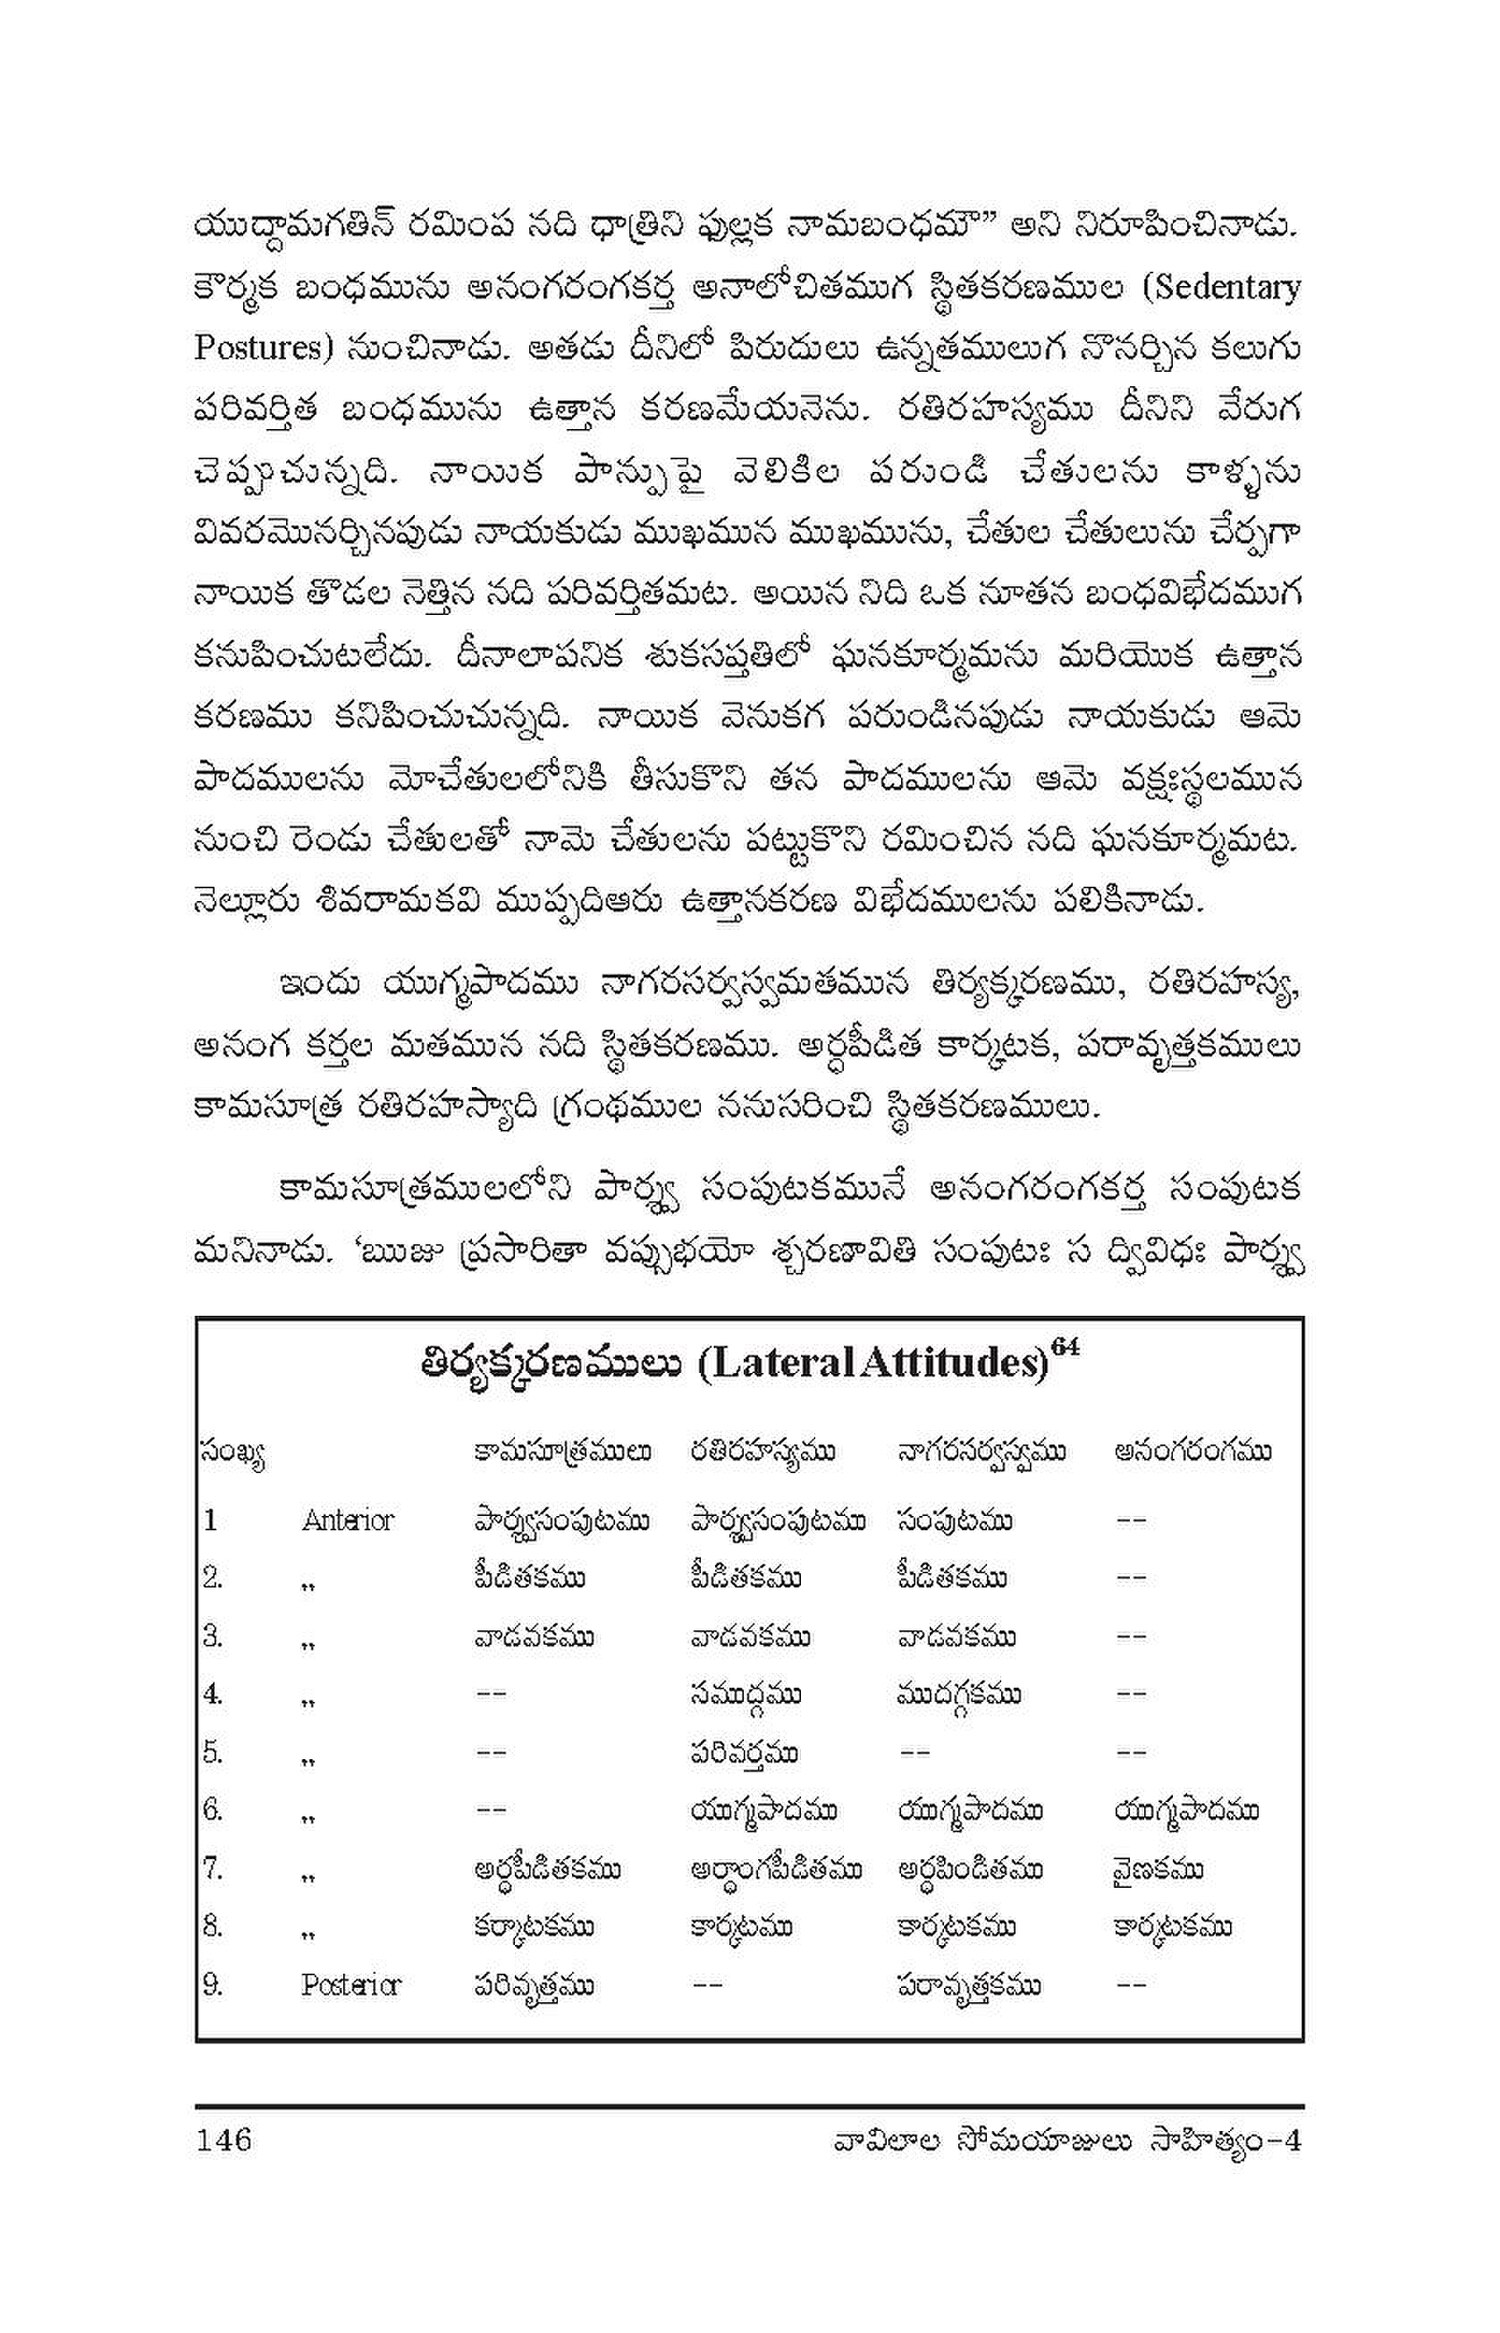యుద్దామగతిన్ రమింప నది ధాత్రిని ఫుల్లక నామబంధమౌ” అని నిరూపించినాడు.
కౌర్మక బంధమును అనంగరంగకర్త అనాలోచితముగ స్థితకరణముల (Sedentary
Postures) నుంచినాడు. అతడు దీనిలో పిరుదులు ఉన్నతములుగ నొనర్చిన కలుగు
పరివర్తిత బంధమును ఉత్తాన కరణమేయనెను. రతిరహస్యము దీనిని వేరుగ
చెప్పుచున్నది. నాయిక పాన్పుపై వెలికిల పరుండి చేతులను కాళ్ళను
వివరమొనర్చినపుడు నాయకుడు ముఖమున ముఖమును, చేతుల చేతులును చేర్చగా
నాయిక తొడల నెత్తిన నది పరివర్తితమట. అయిన నిది ఒక నూతన బంధవిభేదముగ
కనుపించుటలేదు. దీనాలాపనిక శుకసప్తతిలో ఘనకూర్మమను మరియొక ఉత్తాన
కరణము కనిపించుచున్నది. నాయిక వెనుకగ పరుండినపుడు నాయకుడు ఆమె
పాదములను మోచేతులలోనికి తీసుకొని తన పాదములను ఆమె వక్షఃస్థలమున
నుంచి రెండు చేతులతో నామె చేతులను పట్టుకొని రమించిన నది ఘనకూర్మమట.
నెల్లూరు శివరామకవి ముప్పదిఆరు ఉత్తానకరణ విభేదములను పలికినాడు.

ఇందు యుగ్మపాదము నాగరసర్వస్వమతమున తిర్యక్కరణము, రతిరహస్య,
అనంగ కర్తల మతమున నది స్థితకరణము. అర్ధపీడిత కార్కటక, పరావృత్తకములు
కామసూత్ర రతిరహస్యాది గ్రంథముల ననుసరించి స్థితకరణములు.

కామసూత్రములలోని పార్శ్వ సంపుటకమునే అనంగరంగకర్త సంపుటక
మనినాడు. 'ఋజు ప్రసారితా వప్పుభయో శ్చరణావితి సంపుటః స ద్వివిధః పార్శ్వ